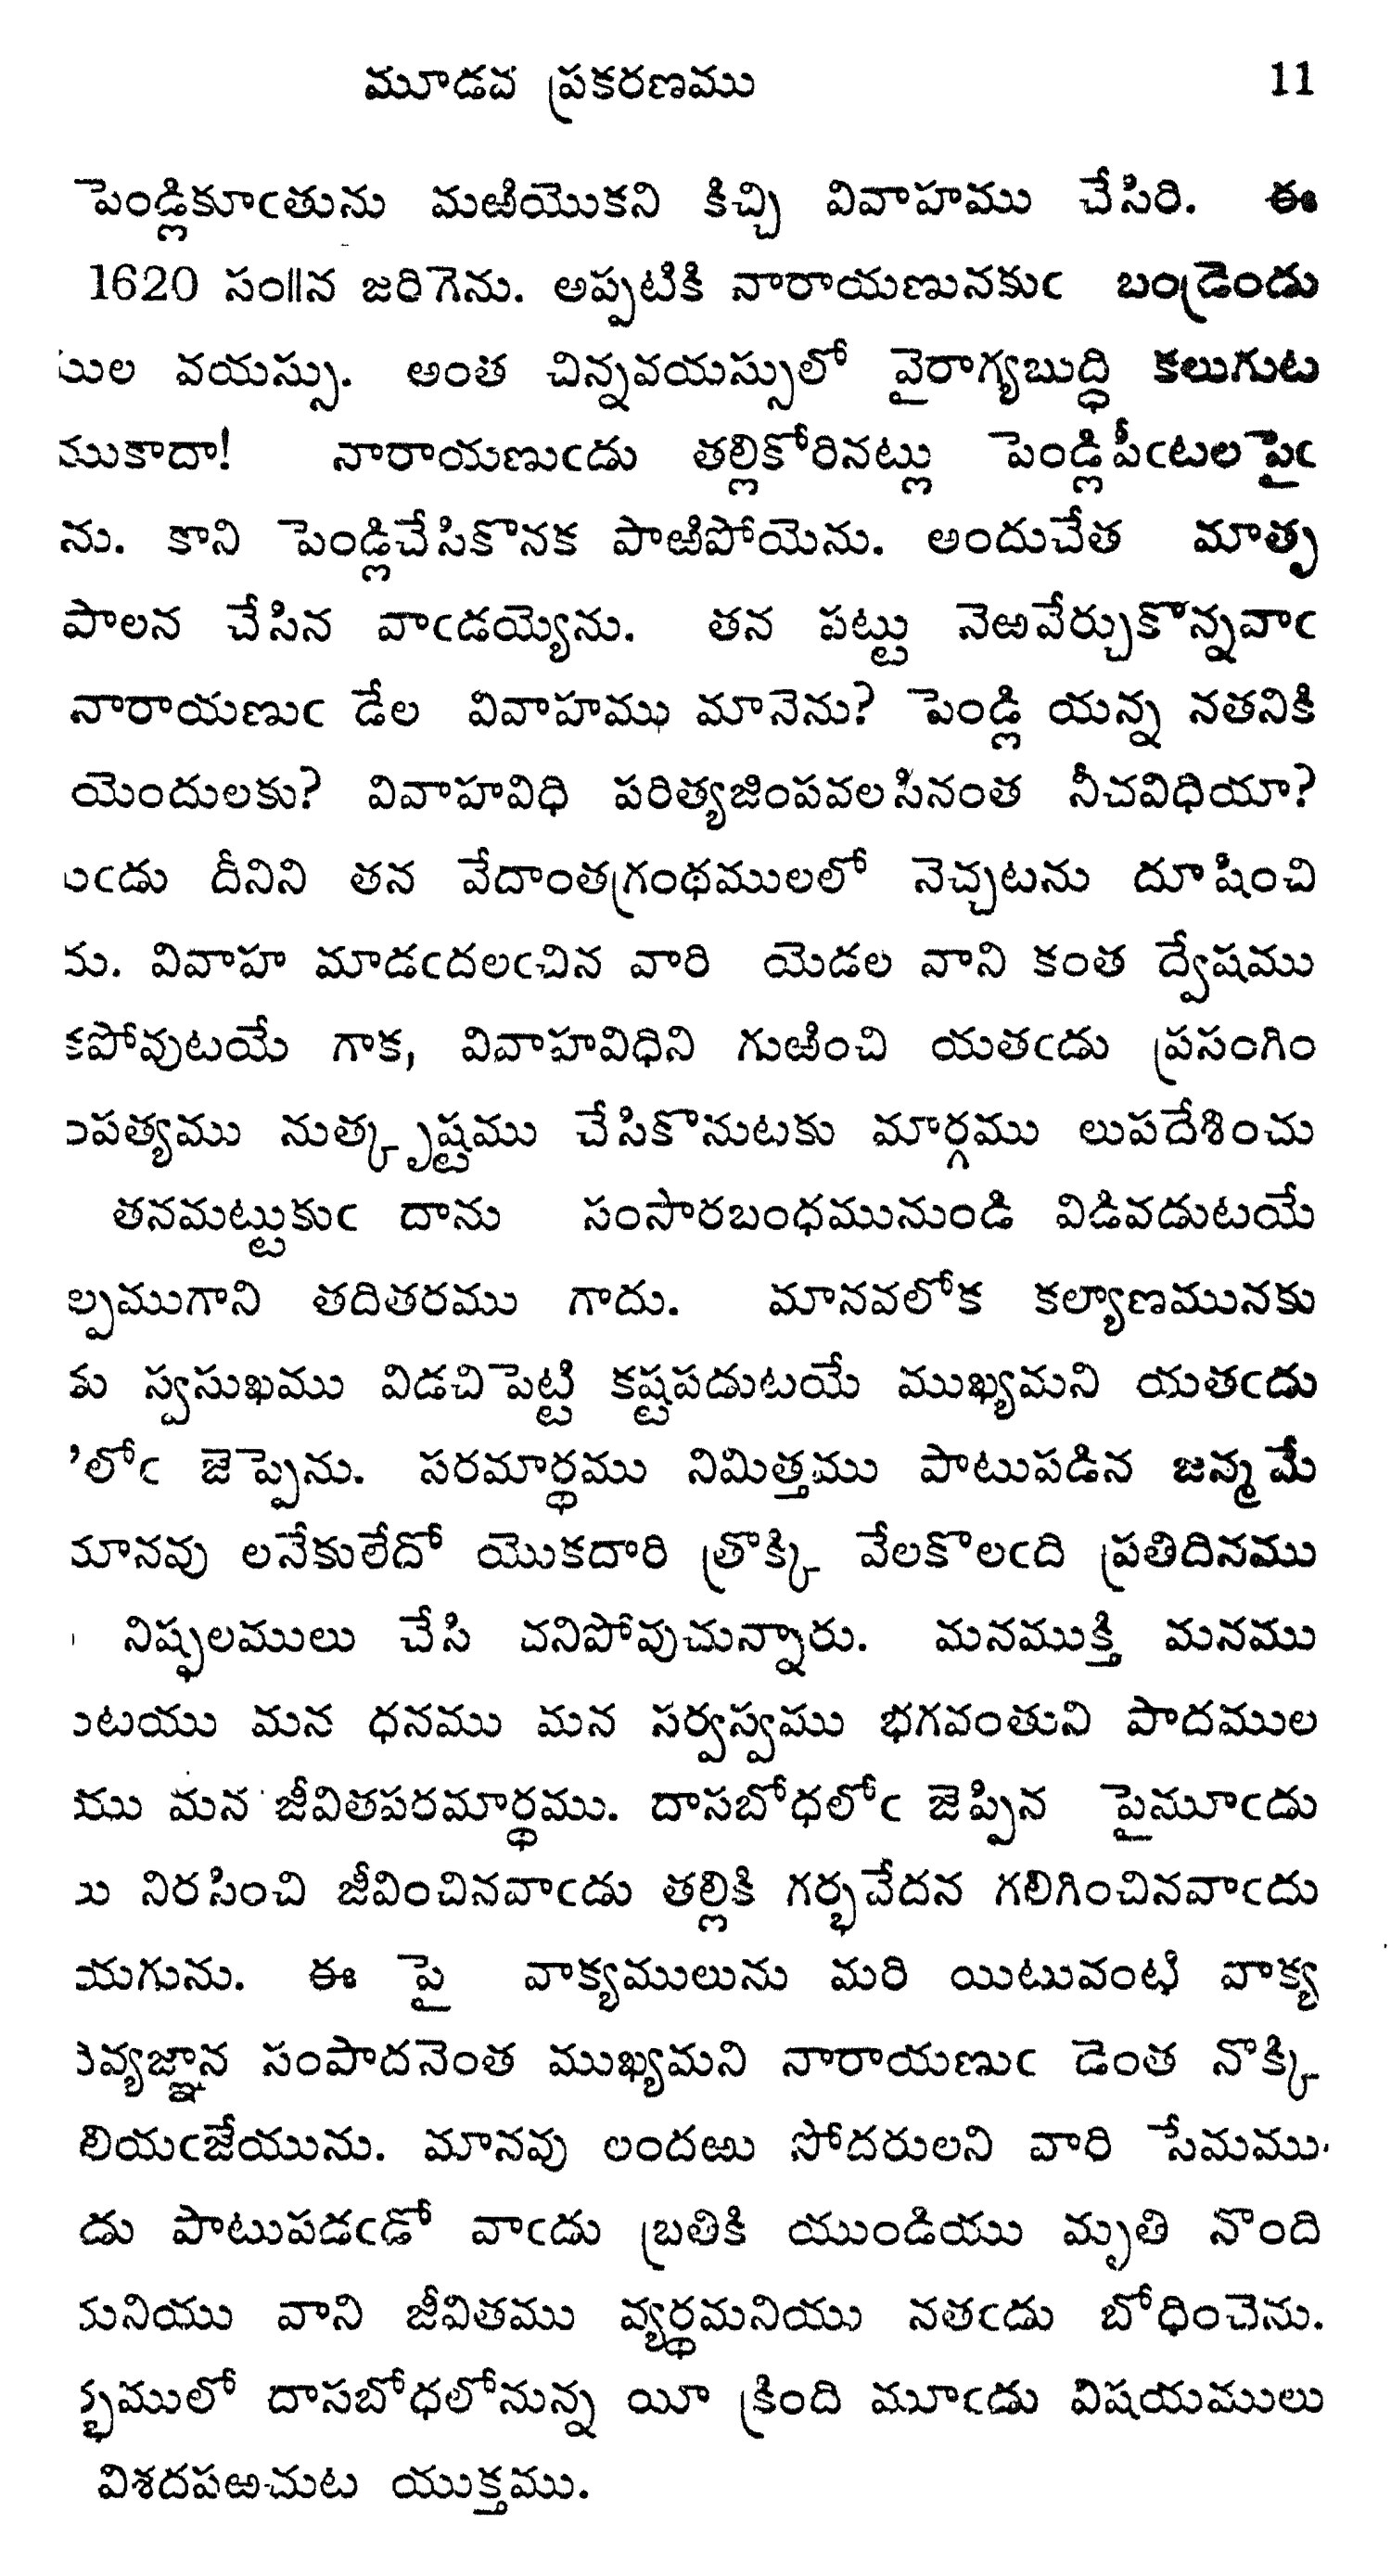పెండ్లికూతును మఱియొకని కిచ్చి వివాహము చేసిరి. ఈ --- 1620 సం||న జరిగెను. అప్పటికి నారాయణునకు బండ్రెండు --- వయస్సు. అంత చిన్నవయస్సులో వైరాగ్యబుద్ధి కలుగుట --- కదా ! నారాయణుడు తల్లికోరినట్లు పెండ్లిపీటలపై ---. కాని పెండ్లిచేసికొనక పాఱిపోయెను. అందుచేత మాతృ --- పాలన చేసిన వాడయ్యెను. తన పట్టు నెఱవేర్చుకొన్నవా --- నారాయణు డేల వివాహము మానెను? పెండ్లి యన్న నతనికి --- యెందులకు? వివాహవిధి పరిత్యజింపవలసినంత నీచవిధియా? --- దీనిని తన వేదాంతగ్రంథములలో నెచ్చటను దూషించి ---. వివాహ మాడదలచిన వారి యెడల వాని కంత ద్వేషము --- పోవుటయే గాక, వివాహవిధిని గుఱించి యతడు ప్రసంగిం --- దాంపత్యము నుత్కృష్టము చేసికొనుటకు మార్గము లుపదేశించు --- తనమట్టుకు దాను సంసారబంధమునుండి విడివడుటయే --- గాని తదితరము గాదు. మానవలోక కల్యాణమునకు --- స్వసుఖము విడిచిపెట్టి కష్టపడుటయే ముఖ్యమని యతడు --- జెప్పెను. పరమార్థము నిమిత్తము పాటుపడిన జన్మమే --- మానవు లనేకులేదో యొకదారి త్రొక్కి వేలకొలది ప్రతిదినము --- నిష్ఫలములు చేసి చనిపోవుచున్నారు. మనముక్తి మనము --- మన ధనము మన సర్వస్వము భగవంతుని పాదముల --- మన జీవితపరమార్ధము. దాసబోధలో జెప్పిన పైమూడు --- నిరసించి జీవించినవాడు తల్లికి గర్భవేదన గలిగించినవాడు --- యగును. ఈ పై వాక్యములును మరి యుటువంటి వాక్య --- దివ్యజ్ఞాన సంపాదనెంత ముఖ్యమని నారాయణు డెంత నొక్కి --- జేయును. మానవు లందఱు సోదరులని వారి సేమము --- పాటుపడడో వాడు బ్రతికి యుండియు మృతి నొంది ---వాని జీవితము వ్యర్థమనియు నతడు బోధించెను. . --- దాసబోధలోనున్న యీ క్రింది మూడు విషయములు --- విశదపఱచుట యుక్తము.